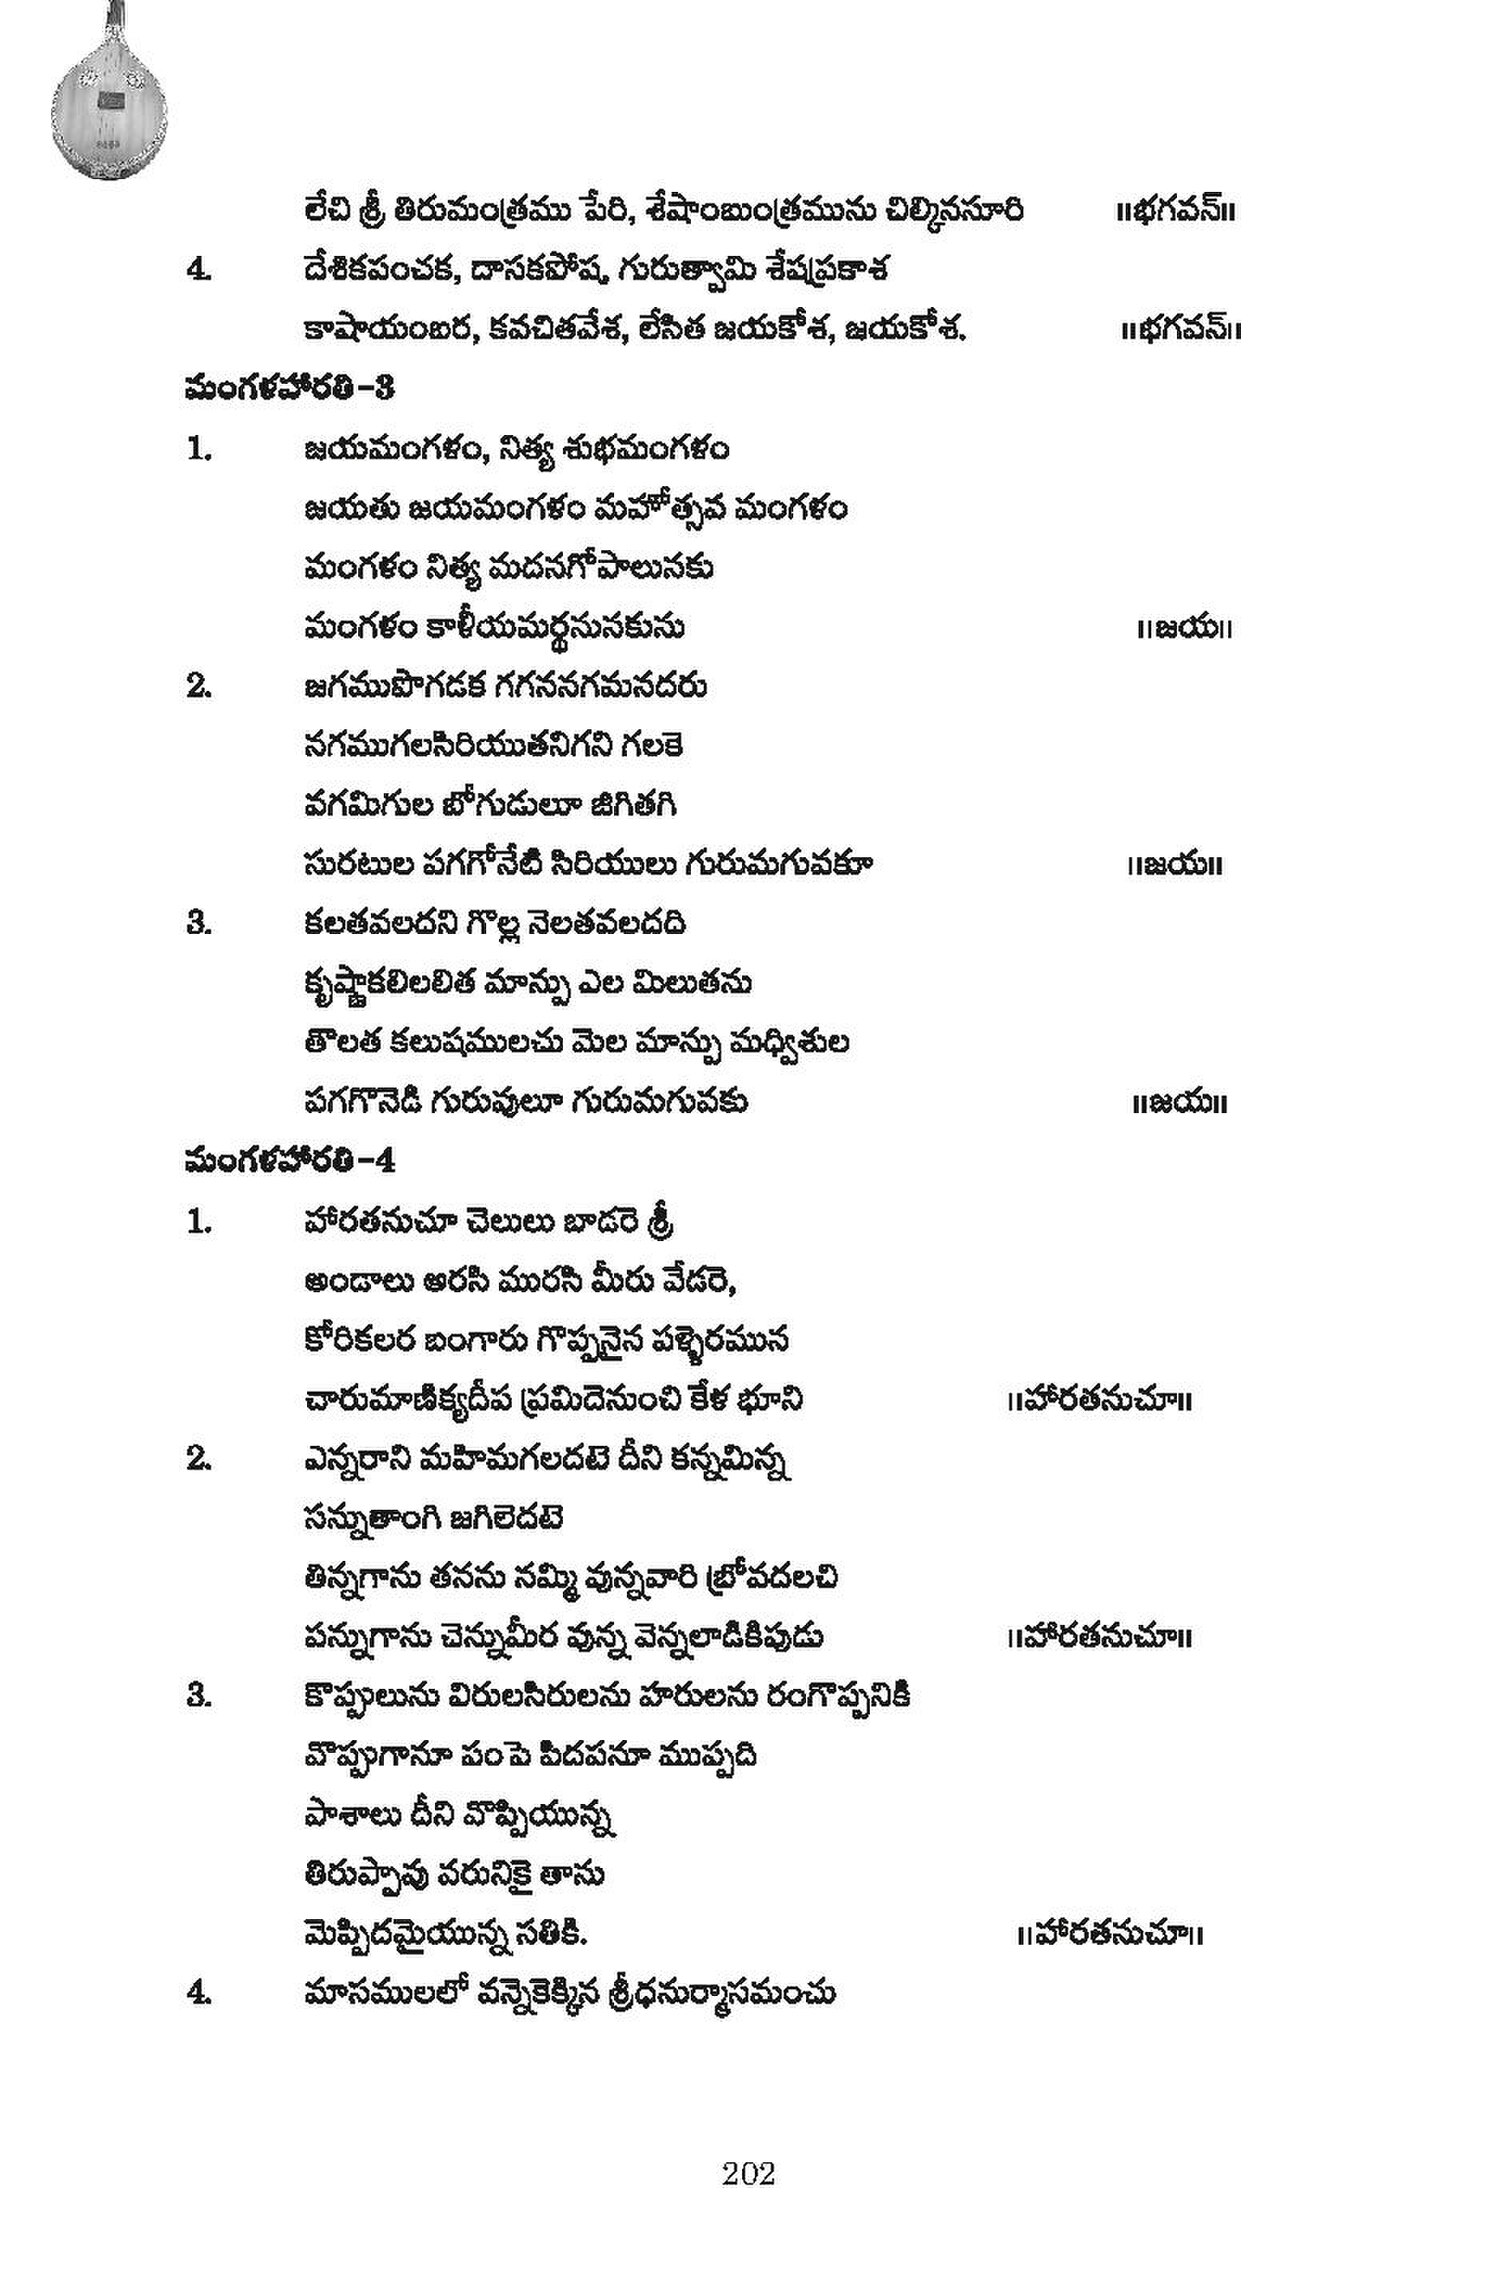లేచి శ్రీ తిరుమంత్రము పేరి, శేషాంబుంత్రమును చిల్కినసూరి ॥భగవన్ ౹౹

4. దేశికపంచక, దాసకపోష, గురుత్వామి శేషప్రకాశ
కాషాయంబర, కవచితవేశ, లేసిత జయకోశ, జయకోశ, ॥భగవన్ ౹౹

మంగళహారతి-3

1. జయమంగళం, నిత్య శుభమంగళం
జయతు జయమంగళం మహోత్సవ మంగళం
మంగళం నిత్య మదనగోపాలునకు
మంగళం కాళీయమర్ధనునకును ॥జయ॥

2. జగముపొగడక గగననగమనదరు
నగముగలసిరియుతనిగని గలకె
వగమిగుల బోగుడులూ జిగితగి
సురటుల పగగోనేటి సిరియులు గురుమగువకూ ॥జయ॥

3. కలతవలదని గొల్ల నెలతవలదది
కృష్ణాకలిలలిత మాన్పు ఎల మిలుతను
తొలత కలుషములచు మెల మాన్పు మధ్విశుల
పగగొనెడి గురువులూ గురుమగువకు ॥జయ॥

మంగళహారతి-4

1. హారతనుచూ చెలులు బాడరె శ్రీ
అండాలు ఆరసి మురసి మీరు వేడరె,
కోరికలర బంగారు గొప్పనైన పళ్ళెరమున
చారుమాణిక్యదీప ప్రమిదెనుంచి కేళ భూని ॥హారతనుచూ౹౹

2. ఎన్నరాని మహిమగలదటె దీని కన్నమిన్న
సన్నుతాంగి జగిలెదటె
తిన్నగాను తనను నమ్మి వున్నవారి బ్రోవదలచి
పన్నుగాను చెన్నుమీర వున్న వెన్నలాడికిపుడు ॥హారతనుచూ॥

3. కొప్పులును విరులసిరులను హరులను రంగొప్పనికి
వొప్పుగానూ పంపె పిదపనూ ముప్పది
పాశాలు దీని నొప్పియున్న
తిరుప్పావు వరునికై తాను
మెప్పిదమైయున్న సతికి. ॥హారతనుచూ॥

4. మాసములలో వన్నెకెక్కిన శ్రీధనుర్మాసమంచు